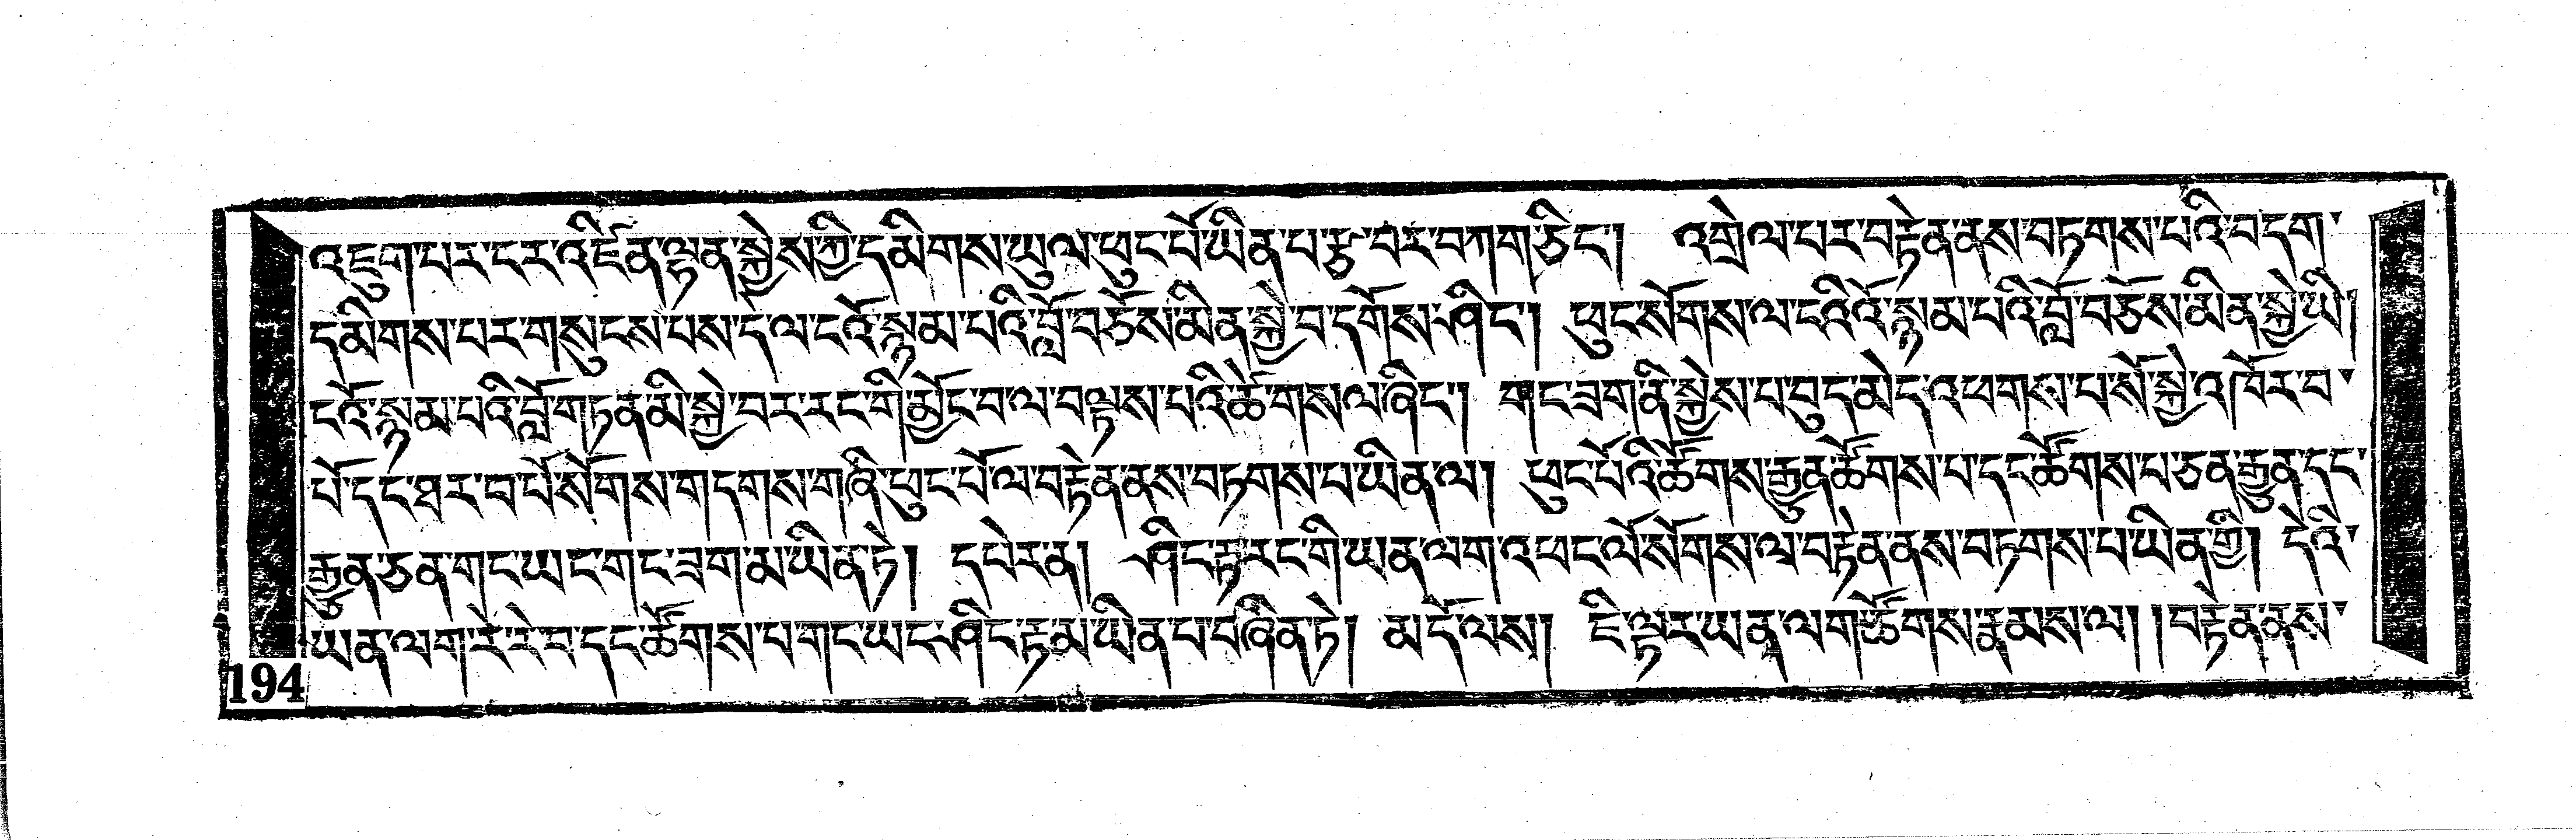འཇུག་པར་ངར་འཛིན་ལྷན་སྐྱེས་ཀྱི་དམིགས་ཡུལ་ཕུང་པོ་ཡིན་པ་རྩ་བར་བཀག་ཅིང་། འགྲེལ་པར་བརྟེན་ནས་བཏགས་པའི་བདག་
དམིགས་པར་གསུངས་པས་དེ་ལ་ངའོ་སྙམ་པའི་བློ་བཅོས་མིན་སྐྱེ་བ་དགོས་ཤིང་། ཕུང་སོགས་ལ་ངའི་འོ་སྙམ་པའི་བློ་བཅོས་མིན་སྐྱེ་ཡི།
ངའོ་སྙམ་པའི་བློ་གཏན་མི་སྐྱེ་བར་རང་གི་མྱོང་བ་ལ་བལྟས་པའི་ཚེ་གསལ་ཞིང་། གང་ཟག་ནི་སྐྱེས་པ་བུད་མེད་འཕགས་པ་སོ་སྐྱེ་འཁོར་བ་
པོ་དང་ཐར་བ་པོ་སོགས་གདགས་གཞི་ཕུང་པོ་ལ་བརྟེན་ནས་བཏགས་པ་ཡིན་ལ། ཕུང་པོའི་ཚོགས་རྒྱུན་ཚོགས་པ་དང་ཚོགས་པ་ཅན་རྒྱུན་དང་
རྒྱུན་ཅན་གང་ཡང་གང་ཟག་མ་ཡིན་ཏེ། དཔེར་ན། ཤིང་རྟ་རང་གི་ཡན་ལག་འཕང་ལོ་སོགས་ལ་བརྟེན་ནས་བཏགས་པ་ཡིན་གྱི། དེའི་
ཡན་ལག་རེ་རེ་བ་དང་ཚོགས་པ་གང་ཡང་ཤིང་རྟ་མ་ཡིན་པ་བཞིན་ཏེ། མདོ་ལས། ཇི་ལྟར་ཡན་ལག་ཚོགས་རྣམས་ལ། །བརྟེན་ནས་